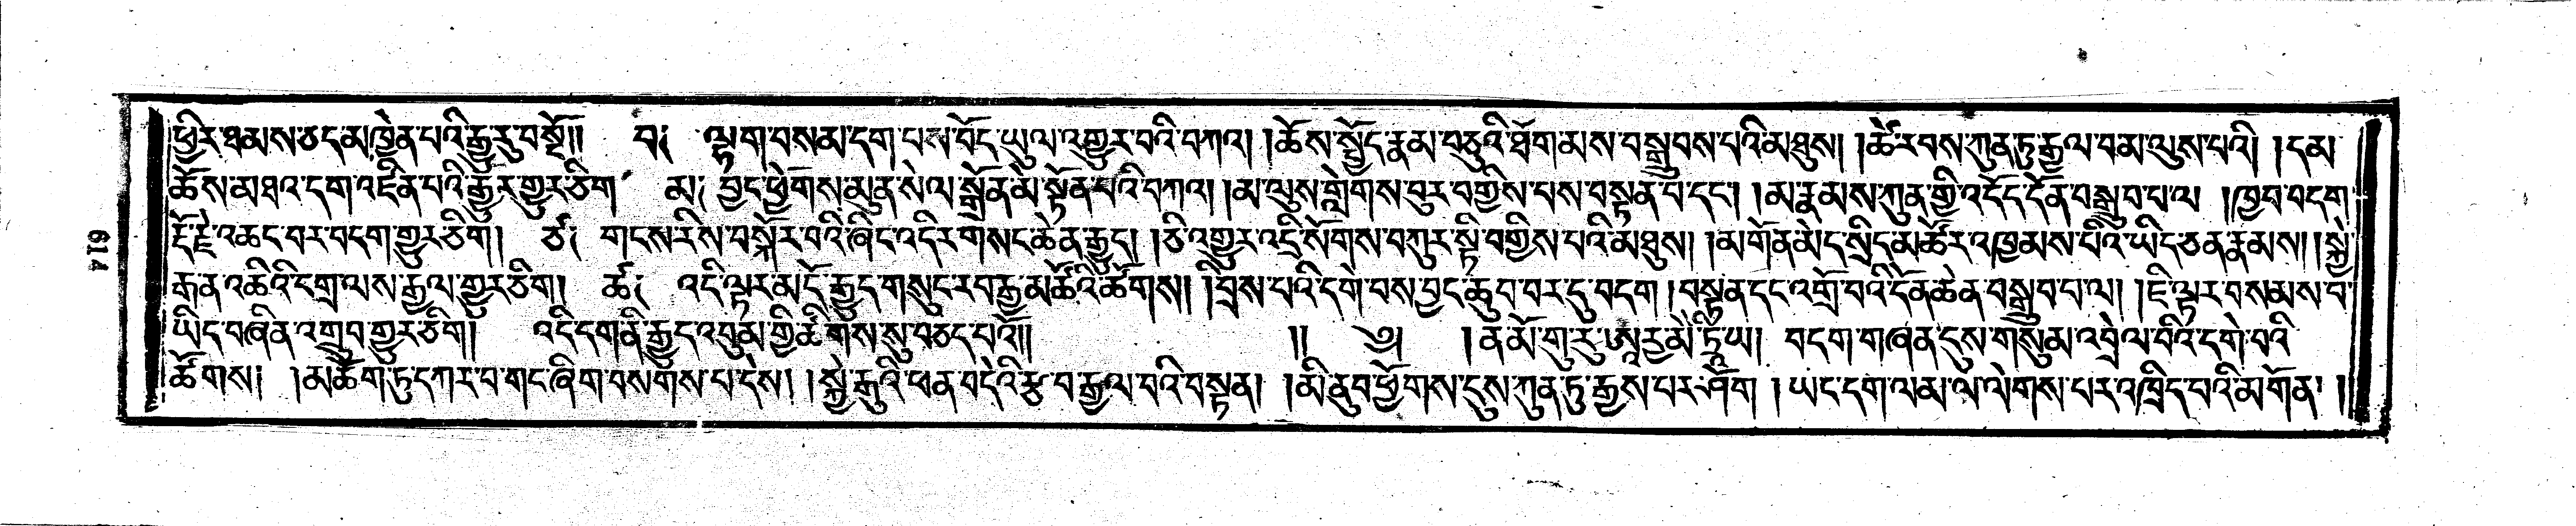ཕྱིར་ཐམས་ཅད་མཁྱེན་པའི་རྒྱུ་རུ་བསྔོ།། བ༑ ལྷག་བསམ་དག་པས་བོད་ཡུལ་འགྱུར་བའི་བཀའ། །ཆོས་སྤྱོད་རྣམ་བཅུའི་ཐག་མས་བསྒྲུབས་པའི་མཐུས། །ཚེ་རབས་ཀུན་ཏུ་རྒྱལ་བ་མ་ལུས་པའི། །དམ་
ཆོས་མཐའ་དག་འཛིན་པའི་རྒྱུར་གྱུར་ཅིག་མ༑ བྱང་ཕྱོགས་མུན་སེལ་སྒྲོན་མེ་སྟོན་པའི་བཀའ། །མ་ལུས་གླེགས་བུར་བགྱིས་པས་བསྟན་པ་དང་། །མ་རྣམས་ཀུན་གྱི་འདོད་དོན་བསྒྲུབ་པ་ལ། །ཁྱབ་བདག་
རྡོ་རྗེ་འཆང་བར་བདག་གྱུར་ཅིག །ཙ༑ གངས་རིས་བསྐོར་བའི་ཞིང་འདིར་གསང་ཆེན་རྒྱུད། །ཅི་འགྱུར་འདྲི་སོགས་བཀུར་སྟི་བགྱིས་པའི་མཐུས། །མགོན་མེད་སྲིད་མཚོར་འཁྱམས་པའི་ཡིད་ཅན་རྣམས། །སྐྱེ་
རྒ་ན་འཆིའི་དགྲ་ལས་རྒྱལ་གྱུར་ཅིག །ཚ༑ འདི་ལྟར་མདོ་རྒྱུད་གསུང་རབ་རྒྱ་མཚོའི་ཚོགས། །བྲིས་པའི་དགེ་བས་བྱང་ཆུབ་བར་དུ་བདག །བསྟན་དང་འགྲོ་བའི་དོན་ཆེན་བསྒྲུབ་པ་ལ། །ཇི་ལྟར་བསམས་པ་
ཡིད་བཞིན་འགྲུབ་གྱུར་ཅིག །འདི་དག་ནི་རྒྱུད་འབུམ་གྱི་ཚིགས་སུ་བཅད་པའོ།། །།